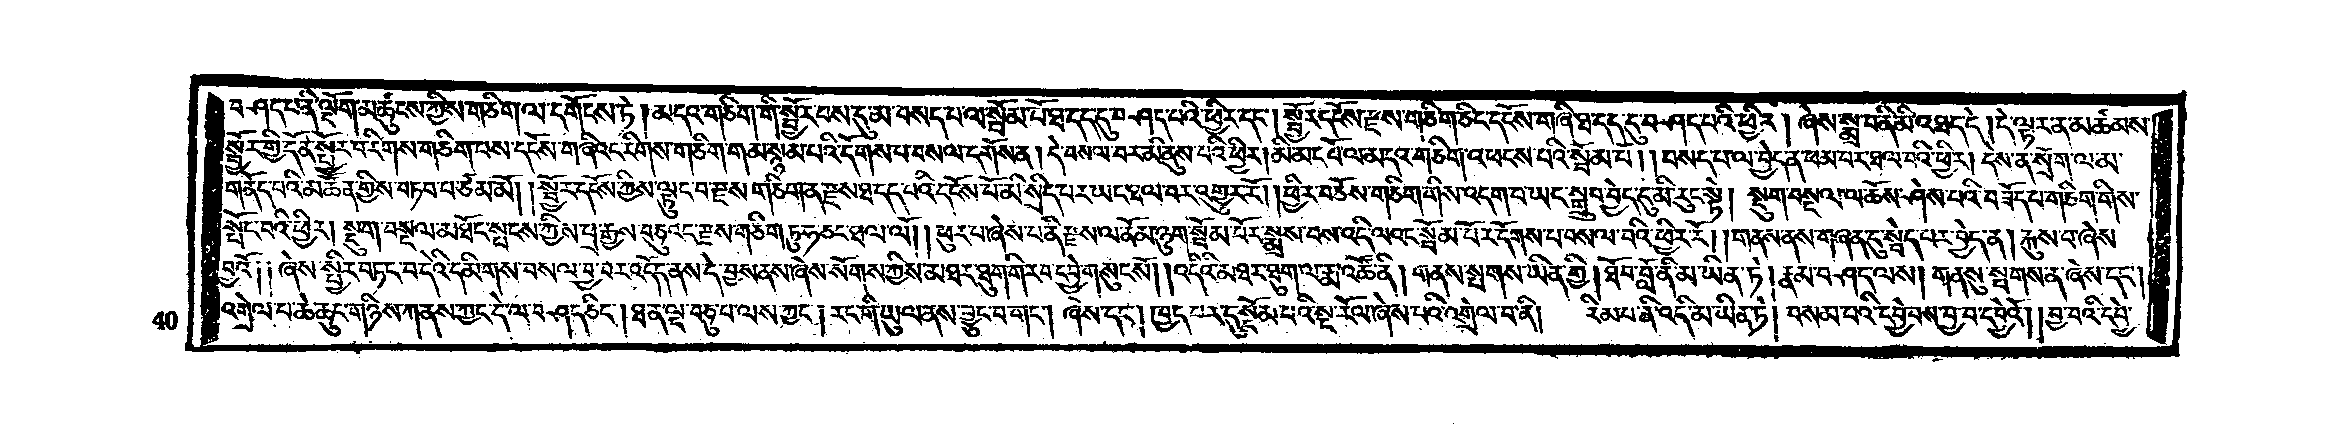བཤད་པ་ནི་ལྡོག་མཚུངས་ཀྱིས་གཅིག་ལ་དགོངས་ཏེ། མདའ་གཅིག་གི་སྦྱོར་པས་དུ་མ་བསད་པ་ལ་སྦོམ་པོ་ཐ་དད་དུ་བཤད་པའི་ཕྱིར་དང་། སྦྱོར་དངོས་རྫས་གཅིག་ཅིང་དངོས་གཞི་ཐ་དད་དུ་བཤད་པའི་ཕྱིར། ཞེས་སྨྲ་བ་ནི་མི་འཐད་དེ། དེ་ལྟར་མ་མཚམས་
སྦྱོར་གྱི་དོན་སྦྱོར་བ་རིགས་གཅིག་པས་དངོས་གཞིའང་རིགས་གཅིག་གམ་སྙམ་པའི་དོགས་པ་བསལ་དགོས་ན། དེ་བསལ་བར་མི་ནུས་པའི་ཕྱིར། མི་མང་པོ་ལ་མངའ་གཅིག་འཕངས་པའི་སྦོམ་པོ། །བསད་པ་ལ་བྱེད་ན་ཕམ་པར་ཐལ་བའི་ཕྱིར། དེས་ན་སྲོག་ལ་མ་
གནོད་པའི་མཚོན་གྱིས་བཏབ་པ་ཙམ་མོ། །སྦྱོར་དངོས་ཀྱིས་ལྟུང་བ་རྫས་གཅིག་ན་རྫས་ཐ་དད་པའི་དངོས་པོ་མི་སྲིད་པར་ཡང་ཐལ་བར་འགྱུར་རོ། །ཕྱིར་བཅོས་གཅིག་གིས་འདག་པ་ཡང་སྒྲུབ་བྱེད་དུ་མི་རུང་སྟེ། སྡུག་བསྔལ་ལ་ཆོས་ཤེས་པའི་བཟོད་པ་གཅིག་གིས་
སྤོང་བའི་ཕྱིར། སྡུག་བསྔལ་མཐོང་སྤངས་ཀྱིས་ཕྲ་རྒྱས་བཅུའང་རྫས་གཅིག་ཏུ་ཧ་ཅང་ཐལ་ལོ། །ཕུར་པ་ཞེས་པ་ནི་རྫས་ལ་ནོམ་ཉུག་སྦོམ་པོར་སྨྲས་པས་འདི་ལའང་སྦོམ་པོར་དོགས་པ་བསལ་བའི་ཕྱིར་རོ། །གནས་ནས་གཞན་དུ་སྦེད་པར་བྱེད་ན། རྐུས་པ་ཞེས་
བྱའོ༑ ༑ཞེས་སྤྱིར་བཏང་བ་དེའི་དམིགས་བསལ་བྱ་བར་འདོད་ནས་དེ་བྱས་ནས་ཞེས་སོགས་ཀྱིས་མཐར་ཐུག་གི་རབ་དབྱེ་གསུངས་སོ། །འདིའི་མཐར་ཐུག་ལ་རྨ་འཚོ་ནི། གནས་སྤགས་ཡིན་གྱི། ཐོབ་བློ་ནི་མ་ཡིན་ཏེ། རྣམ་བཤད་ལས། གནས་སུ་སྤགས་ན་ཞེས་དང་།
འགྲེལ་པ་ཆེ་ཆུང་གཉིས་ཀ་ནས་ཀྱང་དེ་ལ་བཤད་ཅིང་། ཐ་ན་ལྔ་བཅུ་པ་ལས་ཀྱང་། རང་གི་ཡུལ་ནས་བྱུང་བ་གང་། ཞས་དང་། ཁྱད་པར་དུ་སྡོམ་པའི་སྔ་རོལ་ཞེས་པའི་འགྲེལ་བ་ལས། རིམ་པ་ནི་འདི་མ་ཡིན་ཏེ། བསམ་པའི་དབྱེ་བས་བྱ་བ་དབྱེའོ། །བྱ་བའི་དབྱེ་